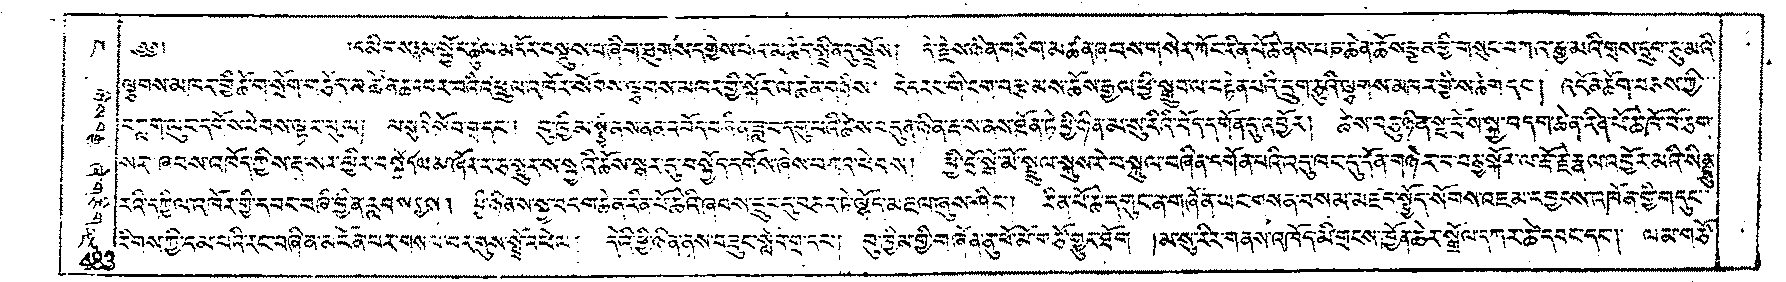༄༅། །དམིགས་རྣམ་སྐྱོང་ཚུལ་མདོར་བསྡུས་པ་ཞིག་ཐུགས་དགྱེས་པའི་མཆོད་སྤྲིན་དུ་སྤྲོས། དེ་རྗེས་ཉིན་གཅིག་མཚན་ཞབས་གསེར་ཀོང་རིན་པོ་ཆེ་ནས་པཎ་ཆེན་ཆོས་རྒྱན་གྱི་གསུང་བཀའ་རྒྱ་མའི་གྲས་དྲུག་ཅུ་མའི་
ལྕགས་མཁར་གྱི་ཆོ་ག་སྲོག་གཅོད་མཚོན་ཆ་འབར་བའི་འཕྲུལ་འཁོར་སོགས་ལྕགས་མཁར་གྱི་སྐོར་ལེ་ཚན་གཉིས། ངེད་རང་གི་ངག་བརྩམས་ཆོས་རྒྱལ་ཕྱི་སྒྲུབ་ལ་བརྟེན་པའི་དྲུག་ཅུའི་ལྕགས་མཁར་གྱི་ས་ཆོག་དང་། འདོན་ཆོག་བཅས་ཀྱི་
བཀླག་ལུང་དགོས་ཕེབས་ལྟར་ཕུལ། མ་སུ་རི་སློབ་གྲ་དང་། བུ་ཁྱིམ་སྤྱི་ནས་ནན་འབོད་བཞིན་ཟླ་བ་དགུ་པའི་ཚེས་བདུན་ཉིན་རྡ་ས་ནས་ཐོན་ཏེ་ཕྱི་ཉིན་མ་སུ་རིའི་བོད་དགོན་དུ་འབྱོར། ཚེས་བཅུ་ཉིན་སྔ་དྲོ་ས་སྐྱ་བདག་ཆེན་རིན་པོ་ཆེ་ཁོ་བོ་ཅག་
སར་ཞབས་འཁོད་ཀྱིས་རྡ་སར་ཕྱིར་བསྐྱོད་ལམ་ཞོར་ར་ཅ་སྤུར་ས་སྐྱའི་ཆོས་སྒར་དུ་བསྐྱོད་དགོས་ཞེས་བཀའ་ཕེབས། ཕྱི་དྲོ་སྒོ་མོ་སྤྲུལ་སྐུས་རེ་བསྐུལ་བཞིན་དགོན་པའི་འདུ་ཁང་དུ་དོན་གཉེར་བ་བརྒྱ་སྐོར་ལ་རྡོ་རྗེ་རྣལ་འབྱོར་མའི་སིནྡྷུ་
རའི་དཀྱིལ་འཁོར་གྱི་དབང་བཞི་བྱིན་རླབས་བྱས། ཕྱི་ཉིན་ས་སྐྱ་བདག་ཆེན་རིན་པོ་ཆེའི་ཞབས་དྲུང་དུ་བཅར་ཏེ་ལྷོད་མཇལ་ཞུས་ཤིང་། རིན་པོ་ཆེ་དགུང་ན་གཞོན་ཡང་གསན་བསམ་མཛད་སྤྱོད་སོགས་འཇམ་དབྱངས་འཁོན་གྱི་གདུང་
རིགས་ཀྱི་དམ་པའི་རང་བཞིན་མངོན་པར་གསལ་བར་གུས་སྤྲོ་འཕེལ། དེའི་ཕྱི་ཉིན་ནས་བཟུང་སློབ་གྲ་དང་། བུ་ཁྱིམ་གྱི་གཞོན་ནུ་ཕོ་མོ་གཙོ་གྱུར་ཐོག །མ་སུ་རིར་གནས་འཁོད་མི་གྲངས་ཁྱོན་ཆེར་སྒྲོལ་དཀར་ཚེ་དབང་དང་། ལམ་གཙོ་